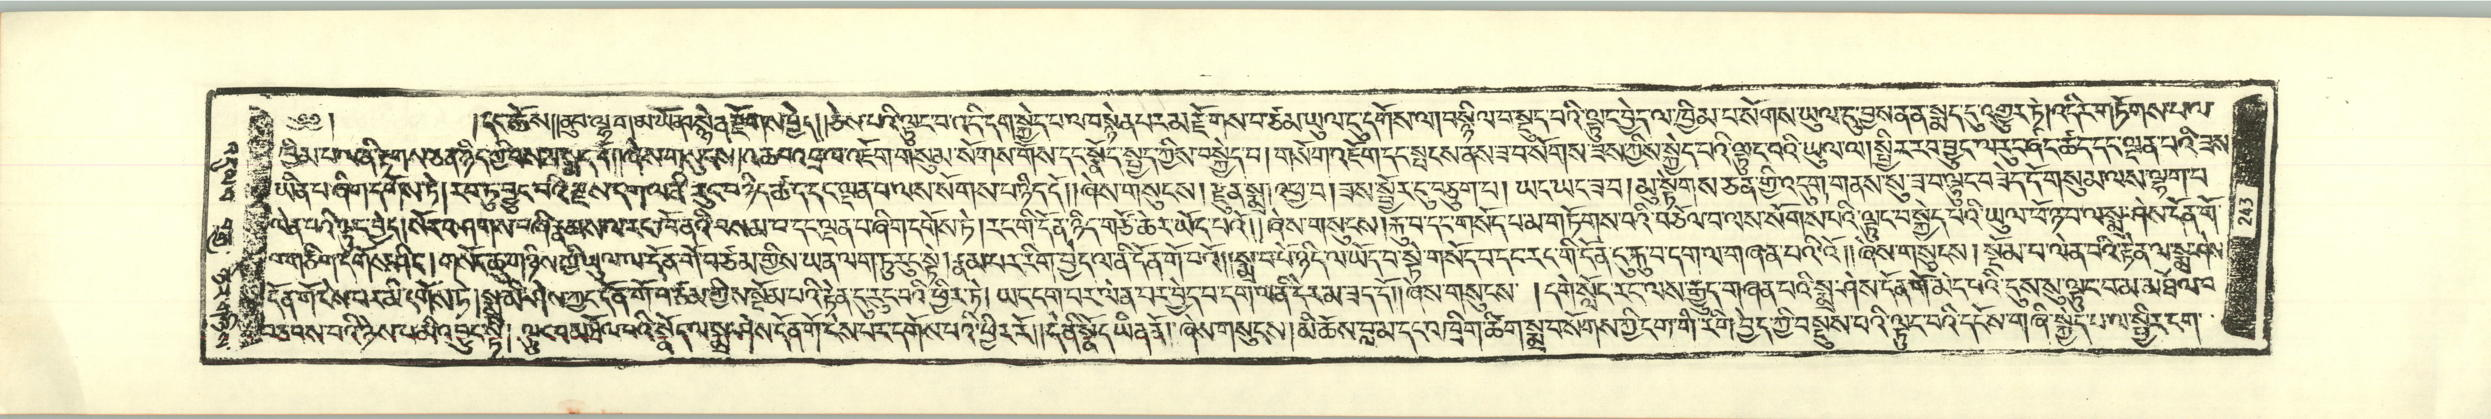༄༅། །དང་ཆོས། །ནུབ་ལྷག་མ་ཡོན་བསྙེན་རྫོགས་བྱེད། །ཅེས་པའི་ལྟུང་བ་འདི་དག་སྐྱེད་པ་ལ་བསྙེན་པར་མ་རྫོགས་པ་ཙམ་ཡུལ་དུ་དགོས་ལ། བསྙིལ་བ་སྡུད་པའི་ལྟུང་བྱེད་ལ་ཁྱིམ་པ་སོགས་ཡུལ་དུ་བྱས་ན་ན་སྨད་དུ་འགྱུར་ཏེ། འདིར་གཏོགས་པ་ལ་
ཁྱིམ་པ་ལ་ནི་རྟགས་ཅན་ཉིད་ཀྱི་བསམ་སྨད་དོ། །ཞེས་གསུངས། འཆབ་འབྲལ་འཇོག་གསུམ་ཅོགས་གོས་དང་སྣོད་སྤྱད་ཀྱིས་བསྐྱེད་བ། གསོག་འཇོག་དང་སྤངས་ནས་ཟ་བ་སོགས་ཟས་ཀྱིས་སྐྱེད་པའི་ལྟུང་བའི་ཡུལ་ལ། སྤྱིར་རབ་བྱུང་ལ་རུང་ཞིང་ཚད་དང་ལྡན་པའི་ཟས་
ཡིན་པ་ཞིག་དགོས་ཏེ། རབ་ཏུ་བྱུང་བའི་རྫས་དག་ལ་ནི་རུང་བ་ཉིད་ཚད་དང་ལྡན་པ་ལས་སོགས་པ་ཉིད་དོ། །ཞེས་གསུངས། རྫུན་སྨྲ། འཕྱ་བ། ཟས་སྦྱོར་དུ་བཅུག་པ། ཡང་ཡང་ཟ་བ། མུ་སྟེགས་ཅན་གྱི་འདུག་གནས་སུ་ཟ་བ་ལྟུང་བཟེད་དོ་གསུམ་ལས་ལྷག་པ་
ལེན་པའི་ལྟུང་བྱེད། སོར་བཤགས་བཞི་རྣམས་ལ་རང་ཁོ་ནའི་བསམ་བ་དང་ལྡན་པ་ཞིག་དགོས་ཏེ། རང་གི་དོན་ཉིད་གཙོ་ཆེར་ཡོད་པའོ། །ཞེས་གསུངས། རྐུ་བ་དང་། གསོད་པ་མ་གཏོགས་བའི་བཅོལ་བ་ལས་སོགས་པའི་ལྟུང་བསྐྱེད་པའི་ཡུལ་ཕོ་ཉ་བ་ལ་སྨྲ་ཤེས་དོན་གོ་
བ་གཅིག་དགོས་ཤིང་། གསོད་ཆུ་གཉིས་ཀྱི་ཡུལ་ལ་དོན་གོ་བ་ཙམ་གྱིས་ཡན་ལག་ཏུ་རུང་སྟེ། རྣམ་པར་རིག་བྱེད་ལ་ནི་དོན་གོ་བའོ། །སྨྲ་བ་པོ་ཉིད་ལ་ཡོད་བ་སྟེ་གསོད་པ་དང་རང་གི་དོན་དུ་རྐུ་བ་དག་ལ་གཞན་པའི་འོ། །ཞེས་གསུངས། སྔོམ་པ་ལེན་པའི་རྟེན་ལ་སྨྲ་ཤེས་
དོན་གོ་ངེས་པར་མི་དགོས་ཏེ། སྨྲ་མི་ཤེས་ཀྱང་དོན་གོ་བ་ཙམ་གྱིས་སྡོམ་པའི་རྟེན་དུ་རུང་བའི་ཕྱིར་ཏེ། ཡང་དག་པར་ལེན་བར་བྱེད་བ་དག་ལ་ནི་དེར་མ་ཟད་དོ། །ཞེས་གསུངས། དགེ་སློང་རང་ལས་རྒྱུད་གཞན་པའི་སྨྲ་ཤེས་དོན་གོ་མེད་པའི་དུས་སུ་ལྟུང་བ་མ་མཐོལ་བ་
བཅབས་བའི་ཉེས་པ་མི་འབྱུང་སྟེ། ལྟུང་བ་མཐོལ་བའི་སྣོད་ལ་སྨྲ་ཤེས་དོན་གོ་ངེས་པར་དགོས་པའི་ཕྱིར་རོ། །དེ་ནི་སྣོད་ཡིན་ནོ། །ཞེས་གསུངས། མི་ཆོས་བླ་མ་དང་འཁྲིག་ཚིག་སྨྲ་བ་སོགས་ཀྱི་ངག་གི་རིག་བྱེད་ཀྱི་བསྡུས་པའི་ལྟུང་བའི་དངོས་གཞི་སྐྱེད་པ་ལ་སྦྱིར་ངག་